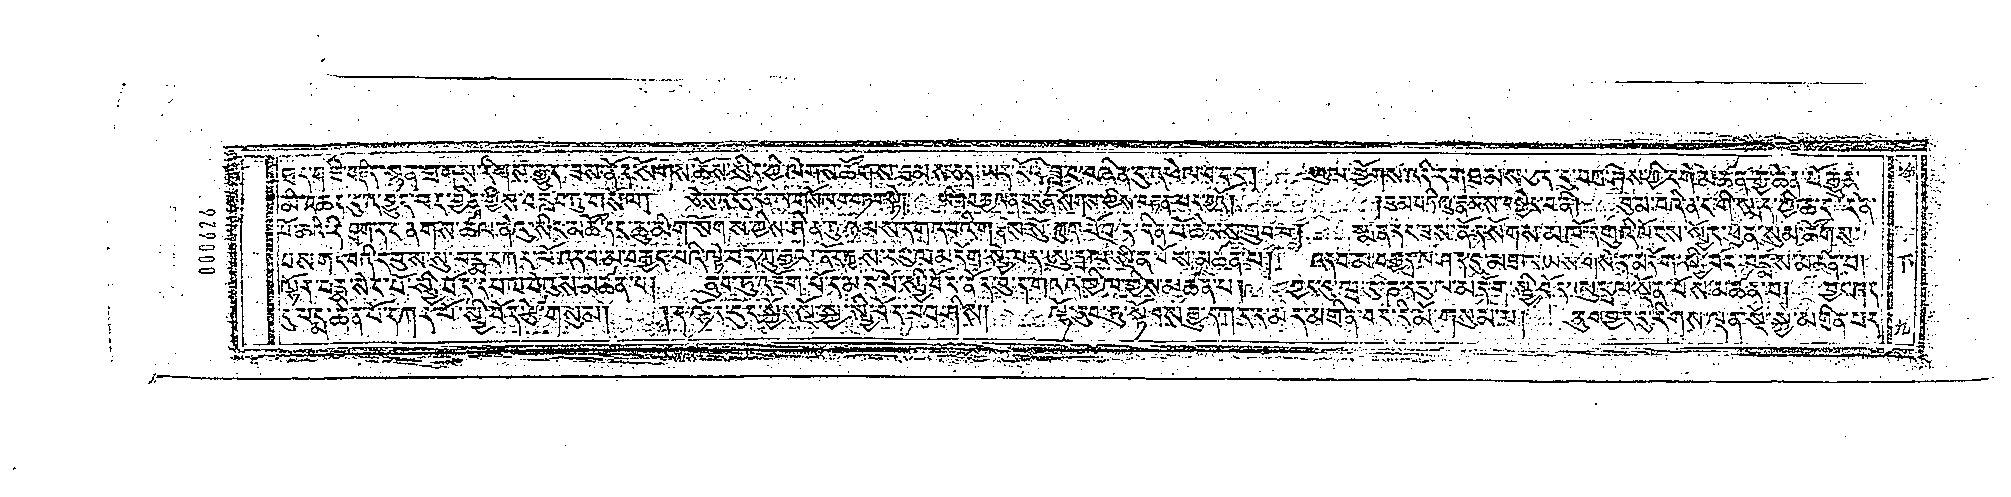ཐད་གཟི་བརྗིད་སྙན་གྲགས་རིགས་རྒྱུད་ཟས་ནོར་སོགས་ཆོས་སྲིད་ཀྱི་ལེགས་ཚོགས་ཐམས་ཅད་ཡར་ངོའི་ཟླ་བ་བཞིན་དུ་འཕེལ་བ་དང་། ཡུལ་ཕྱོགས་འདི་དག་ཐམས་ཅད་དུ་བཀྲ་ཤིས་ཀྱི་དགེ་མཚན་རྒྱ་མཚོ་ཆེན་པོ་རྒྱུན་
མི་འཆད་དུ་འབྱུང་བར་བྱིན་གྱིས་བརླབ་ཏུ་གསོལ། ཅེས་འདོད་དོན་ལ་གསོལ་བ་བཏབ་སྟེ། ཡིག་བརྒྱ་ལན་བདུན་སོགས་ཀྱིས་བརྟན་པར་བྱའོ། །བུམ་པའི་ཀླུ་རྣམས་བསྐྱེད་བ་ནི། བུམ་པའི་ནང་གི་སྨད་ཀྱི་ཆ་ལ་རིན་
པོ་ཆེའི་རི་བྲག་དང་ནགས་ཚལ་ནེའུ་སིང་མཚོ་དང་ཆུ་མིག་སོགས་ཀྱིས་ཤིན་ཏུ་ཉམས་དགའ་བའི་གནས་སུ་ཀླུའི་ཕོ་བྲང་རིན་པོ་ཆེ་ལས་གྲུབ་པ། སྨན་དང་ཟས་ནོར་སོགས་མཁོ་དགུའི་ལོངས་སྤྱོད་ཕུན་སུམ་ཚོགས་
པས་གང་བའི་དབུས་སུ་པདམ་དཀར་པོ་འདབ་མ་བརྒྱད་པའི་ལྟེ་བར་ཀླུ་རྒྱལ་ནོར་རྒྱས་དངུལ་མདོག་སྤྱི་བོར་ཨུཏྤ་ལ་སྔོན་པོས་མཚན་པ། འདབ་མ་བརྒྱད་ལ་ཤར་དུ་མཐའ་ཡས་གསེར་མདོག་སྤྱི་བོར་པདམས་མཚན་པ།
ལྷོར་པདམ་སེར་པོ་སྤྱི་བོར་དཔལ་བེའུས་མཚན་པ། ནུབ་ཏུ་འཇོག་པོ་དམར་པོ་སྤྱི་བོར་ནོར་བུ་དགའ་འཁྱིལ་གྱིས་མཚན་པ། བྱང་དུ་ཝ་དུ་ཎ་དངུལ་མདོག་སྤྱི་བོར་ཨུདཔ་ལ་སྔོན་པོས་མཚན་པ། བྱང་ཤར་
དུ་པདམ་ཆེན་པོ་དཀར་པོ་སྤྱི་བོར་རྩེ་གསུམ། །ད་ལྷོར་དུང་སྐྱོང་སྔོ་སྐྱ་སྤྱི་བོར་བཀྲ་ཤིས། ལྷོ་ནུབ་ཏུ་སྟོབས་རྒྱུ་དཀར་དམར་མགྲིན་པར་རི་མོ་གསུམ་པ། ནུབ་བྱང་དུ་རིགས་ལྡན་སྔོ་སྐྱ་མགྲིན་པར་